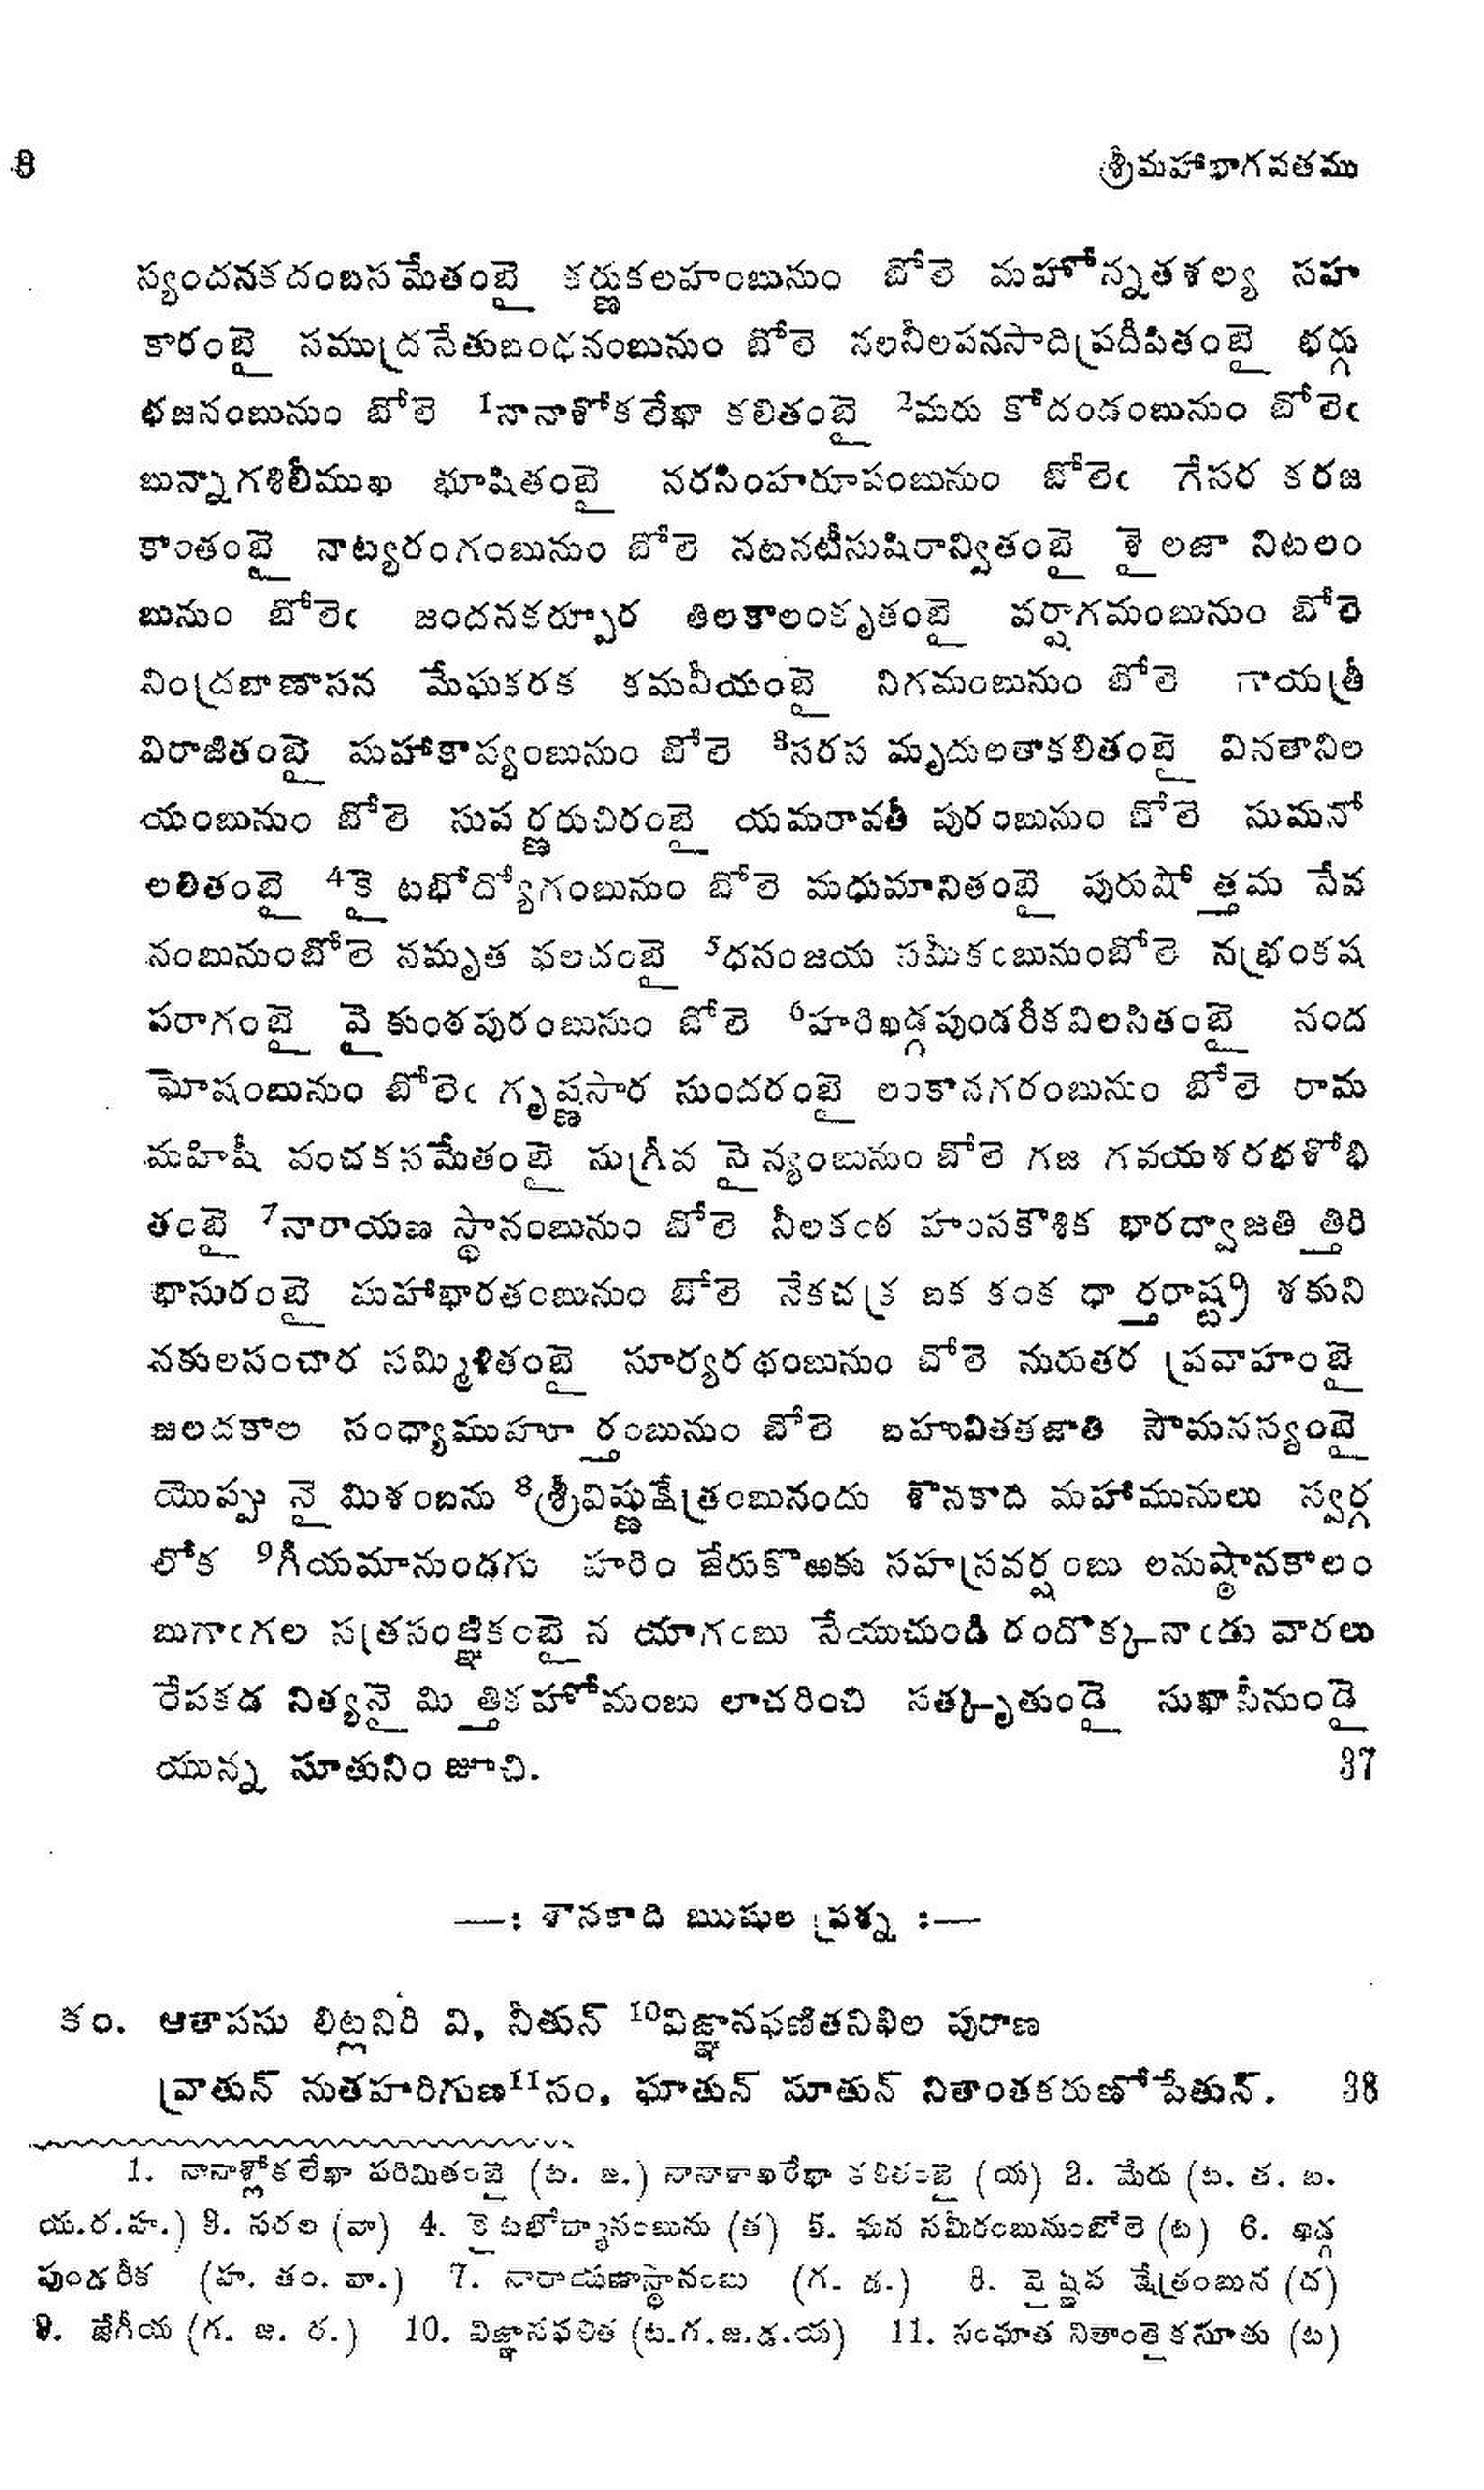8

స్యందన కదంబ సమేతంబై కర్ణు కలహంబునుం బోలె మహోన్నత శల్య సహకారంబై సముద్రసేతు బంధనంబునుం బోలె నల నీప పణసాది ప్రదీపింతంబై భర్గు భజనంబునుం బోలె నానాzశోక లేఖాకలితంబై మరు కోదండంబునుం బోలెఁ బున్నాగ శిలీముఖ భూషితంబై నరసింహ రూపంబునుం బోలెఁ గేసర కరణ కాంతంబై నాట్యరంగంబునుం బోలె నట నటీ సుషిరాన్వితంబై శైలజా నిటలంబునుం బోలెఁ జందన కర్పూర తిలలకాలంకృతంబై వర్షాగమంబునుం బోలె నింద్ర బాణాసన మేఘ కరక కమనీయంబై నిగమంబునుం బోలె గాయత్రీ విరాజితంబై మహాకావ్యంబునుం బోలె సరస మృదు లతాకలితంబై వినతా నిలయంబునుం బోలె సుపర్ణ రుచిరంబై యమరావతీ పురంబునుం బోలె సుమనో లలితంబై కైటభోద్యోగంబునుం బోలె మధుమానితంబై పురుషోత్తమ సేవనంబునుం బోలె నమృత ఫలదంబై ధనజయ సమీకంబునుం బోలె నభ్రంకష పరాగంబై వైకుంఠపురంబునుం బోలె హరిఖడ్గ పుండరీక విలసితంబై నందఘోషంబునుం బోలెఁ గృష్ణసార సుందరంబై లంకానగరంబునుం బోలె రామమహిషీ వంచక సమేతంబై సుగ్రీవ సైన్యంబునుం బోలె గజ గవయ శరభ శోభితంబై నారాయణ స్థానంబునుం బోలె నీలకంఠ హంస కౌశిక భారద్వాజ తిత్తిరి భాసురంబై మహాభారతంబునుం బోలె నేకచక్ర బక కంక ధార్తరాష్ట్ర శకుని నకుల సంచార సమ్మిలీతంబై సూర్యరథంబునుం బోలె నురుతర ప్రవాహంబై జలదకాల సంధ్యా ముహూర్తంబునుం బోలె బహు వితత జాతి సౌమనస్యంబై యొప్పు నైమిశంబను శ్రీవిష్ణు క్షేత్రంబునందు శౌనకాది మహామునులు స్వర్గలోక జేగీయమానుండగు హరిం జేరు కొఱకు సహస్ర వర్షంబు లనుష్ఠానకాలంబుగాఁ గల సత్ర సంజ్ఞికంబైన యాగంబు సేయుచుండి రందొక్కనాఁడు వారలు రేపకడ నిత్య నైమిత్తిక హోమంబు లాచరించి సత్కృతుండై సుఖాసీనుండై యున్న సూతుఁ జూచి,(1-37)

కం. ఆ తాపసులిట్లనిరి వి, నీతున్ విజ్ఞాన భణిత నిఖిల పురాణ

వ్రాతున్ నుత హరిగుణ సం, ఘాతున్ సూతున్ నితాంత కరుణోపేతున్.(1-38)